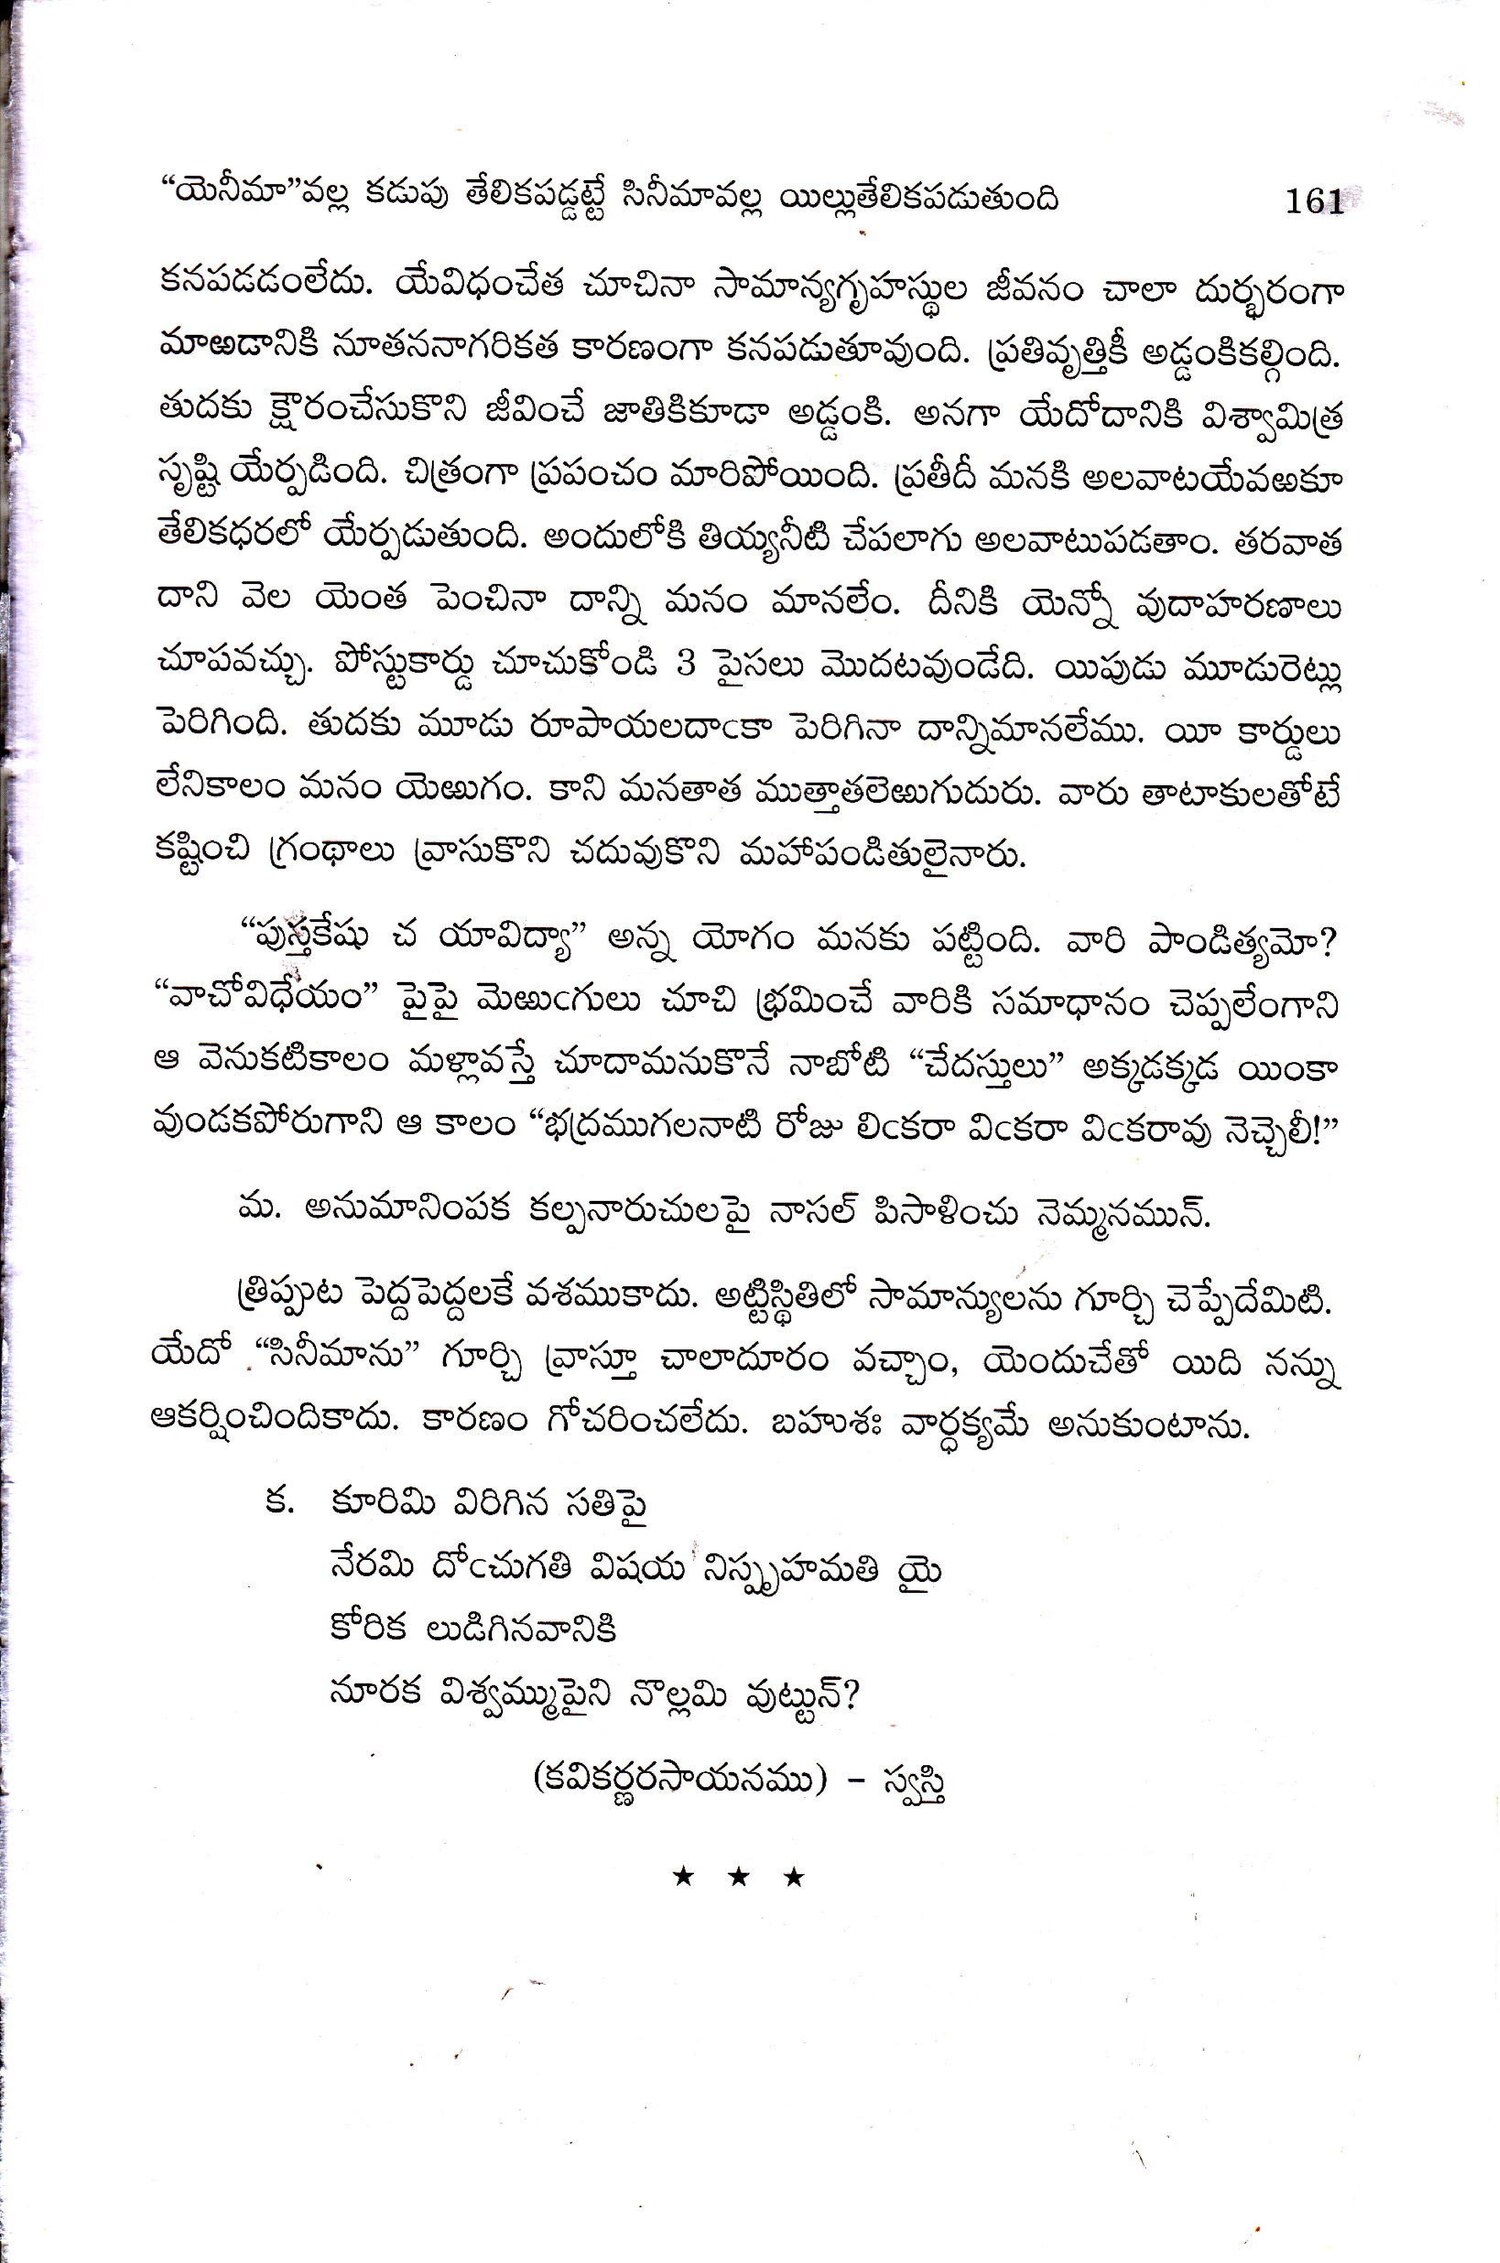కనపడడంలేదు. యేవిధంచేత చూచినా సామాన్యగృహస్టుల జీవనం చాలా దుర్భరంగా మాఱడానికి నూతననాగరికత కారణంగా కనపడుతూవుంది. ప్రతివృత్తికీ అడ్డంకికల్గింది. తుదకు క్షౌరంచేసుకొని జీవించే జాతికికూడా అడ్డంకి. అనగా యేదోదానికి విశ్వామిత్ర సృష్టి యేర్పడింది. చిత్రంగా ప్రపంచం మారిపోయింది. ప్రతీదీ మనకి అలవాటయేవఱకూ తేలికధరలో యేర్పడుతుంది. అందులోకి తియ్యనీటి చేపలాగు అలవాటుపడతాం. తరవాత దాని వెల యెంత పెంచినా దాన్ని మనం మానలేం. దీనికి యెన్నో వుదాహరణాలు చూపవచ్చు. పోస్టుకార్డు చూచుకోండి 3 పైసలు మొదటవుండేది. యిపుడు మూడురెట్లు పెరిగింది. తుదకు మూడు రూపాయలదాఁకా పెరిగినా దాన్నిమానలేము. యీ కార్డులు లేనికాలం మనం యెఱుగం. కాని మనతాత ముత్తాతలెఱుగుదురు. వారు తాటాకులతోటే కష్టించి గ్రంథాలు వ్రాసుకొని చదువుకొని మహాపండితులైనారు.

“పుస్తకేషు చ యావిద్యా" అన్న యోగం మనకు పట్టింది. వారి పాండిత్యమో? “వాచోవిధేయం” పైపై మెఱుఁగులు చూచి భ్రమించే వారికి సమాధానం చెప్పలేంగాని ఆ వెనుకటికాలం మళ్లావస్తే చూదామనుకొనే నాబోటి "చేదస్తులు" అక్కడక్కడ యింకా వుండకపోరుగాని ఆ కాలం “భద్రముగలనాటి రోజు లిఁకరా విఁకరా విఁకరావు నెచ్చెలీ!”

మ. అనుమానింపక కల్పనారుచులపై నాసల్ పిసాళించు నెమ్మనమున్.

త్రిప్పుట పెద్దపెద్దలకే వశముకాదు. అట్టిస్థితిలో సామాన్యులను గూర్చి చెప్పేదేమిటి. యేదో “సినీమాను” గూర్చి వ్రాస్తూ చాలాదూరం వచ్చాం, యెందుచేతో యిది నన్ను ఆకర్షించిందికాదు. కారణం గోచరించలేదు. బహుశః వార్ధక్యమే అనుకుంటాను.

క. కూరిమి విరిగిన సతిపై
 నేరమి దోcచుగతి విషయ నిస్పృహమతి యై 
 కోరిక లుడిగినవానికి 
 నూరక విశ్వమ్ముపైని నొల్లమి వుట్టున్?
 (కవికర్ణరసాయనము) - స్వస్తి